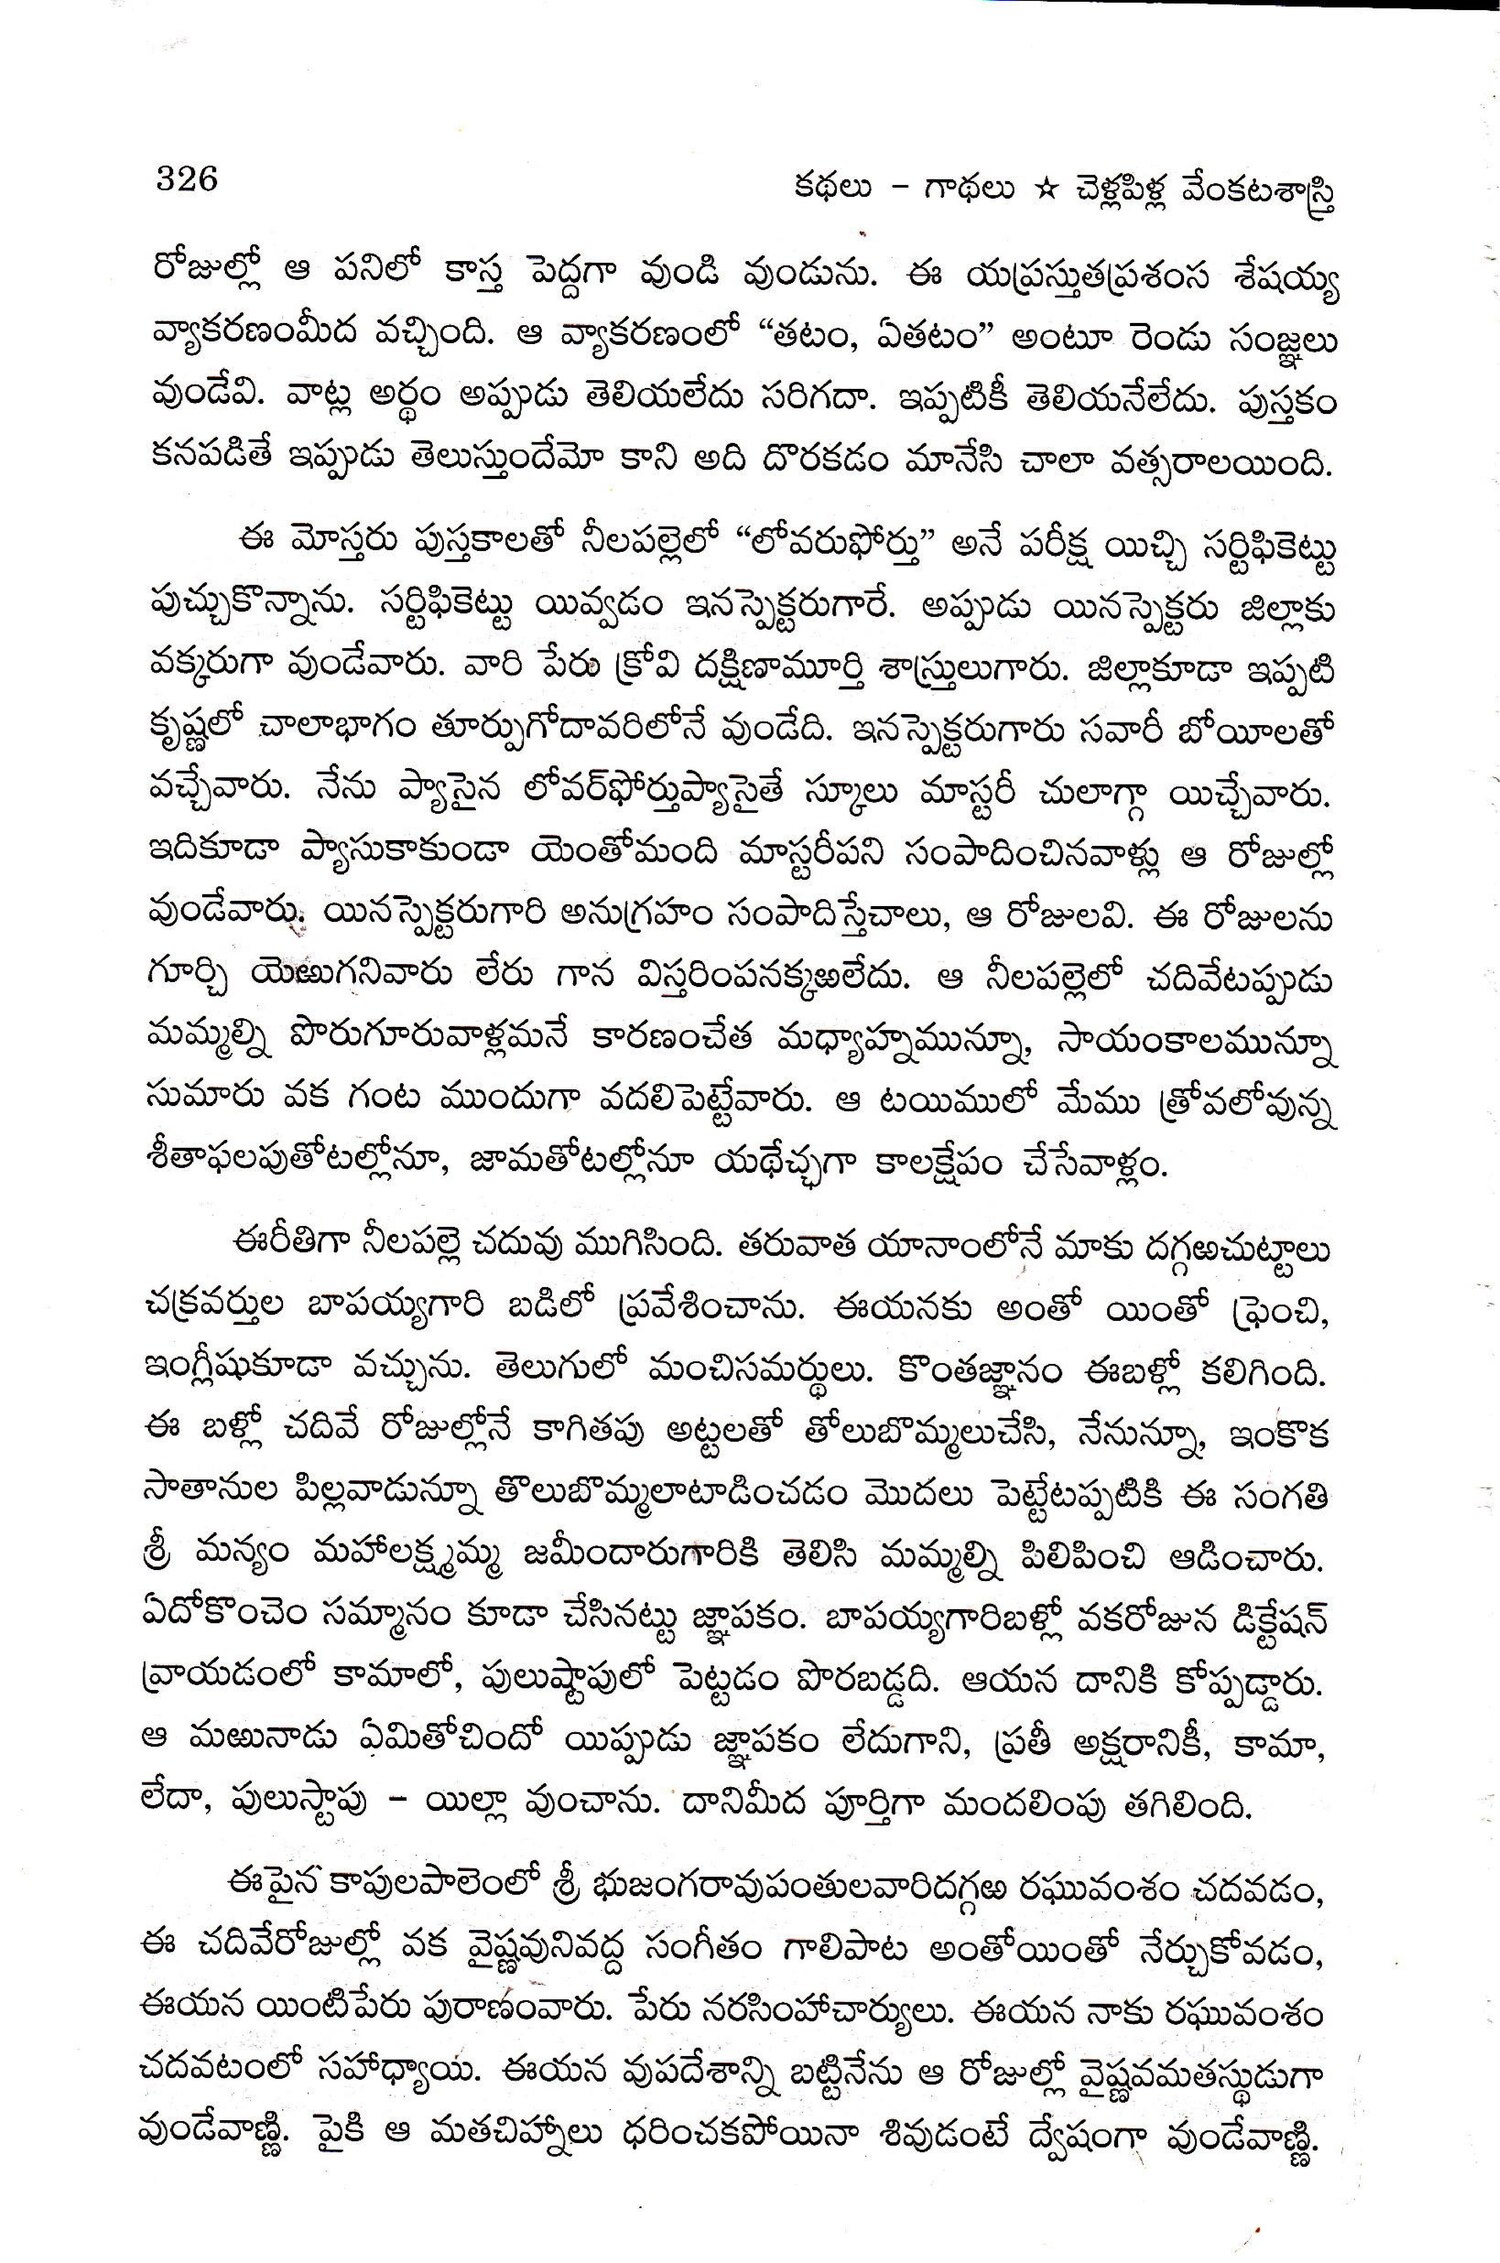రోజుల్లో ఆ పనిలో కాస్త పెద్దగా వుండి వుండును. ఈ యప్రస్తుతప్రశంస శేషయ్య వ్యాకరణంమీద వచ్చింది. ఆ వ్యాకరణంలో “తటం, ఏతటం” అంటూ రెండు సంజ్ఞలు వుండేవి. వాట్ల అర్థం అప్పుడు తెలియలేదు సరిగదా. ఇప్పటికీ తెలియనేలేదు. పుస్తకం కనపడితే ఇప్పుడు తెలుస్తుందేమో కాని అది దొరకడం మానేసి చాలా వత్సరాలయింది.

ఈ మోస్తరు పుస్తకాలతో నీలపల్లెలో "లోవరుఫోర్తు" అనే పరీక్ష యిచ్చి సర్టిఫికెట్టు పుచ్చుకొన్నాను. సర్టిఫికెట్టు యివ్వడం ఇనస్పెక్టరుగారే. అప్పుడు యినస్పెక్టరు జిల్లాకు వక్కరుగా వుండేవారు. వారి పేరు క్రోవి దక్షిణామూర్తి శాస్త్రులుగారు. జిల్లాకూడా ఇప్పటి కృష్ణలో చాలాభాగం తూర్పుగోదావరిలోనే వుండేది. ఇనస్పెక్టరుగారు సవారీ బోయీలతో వచ్చేవారు. నేను ప్యాసైన లోవర్‌ఫోర్తుప్యాసైతే స్కూలు మాస్టరీ చులాగ్గా యిచ్చేవారు. ఇదికూడా ప్యాసుకాకుండా యెంతోమంది మాస్టరీపని సంపాదించినవాళ్లు ఆ రోజుల్లో వుండేవారు. యినస్పెక్టరుగారి అనుగ్రహం సంపాదిస్తేచాలు, ఆ రోజులవి. ఈ రోజులను గూర్చి యెఱుగనివారు లేరు గాన విస్తరింపనక్కఱలేదు. ఆ నీలపల్లెలో చదివేటప్పుడు మమ్మల్ని పొరుగూరువాళ్లమనే కారణంచేత మధ్యాహ్నమున్నూ, సాయంకాలమున్నూ సుమారు వక గంట ముందుగా వదలిపెట్టేవారు. ఆ టయిములో మేము త్రోవలోవున్న శీతాఫలపుతోటల్లోనూ, జామతోటల్లోనూ యథేచ్ఛగా కాలక్షేపం చేసేవాళ్లం.

ఈరీతిగా నీలపల్లె చదువు ముగిసింది. తరువాత యానాంలోనే మాకు దగ్గఱచుట్టాలు చక్రవర్తుల బాపయ్యగారి బడిలో ప్రవేశించాను. ఈయనకు అంతో యింతో ఫ్రెంచి, ఇంగ్లీషుకూడా వచ్చును. తెలుగులో మంచిసమర్థులు. కొంతజ్ఞానం ఈబల్లో కలిగింది. ఈ బళ్లో చదివే రోజుల్లోనే కాగితపు అట్టలతో తోలుబొమ్మలుచేసి, నేనున్నూ, ఇంకొక సాతానుల పిల్లవాడున్నూ తోలుబొమ్మలాటాడించడం మొదలు పెట్టేటప్పటికి ఈ సంగతి శ్రీ మన్యం మహాలక్ష్మమ్మ జమీందారుగారికి తెలిసి మమ్మల్ని పిలిపించి ఆడించారు. ఏదోకొంచెం సమ్మానం కూడా చేసినట్టు జ్ఞాపకం. బాపయ్యగారిబళ్లో వకరోజున డిక్టేషన్ వ్రాయడంలో కామాలో, పులుప్టాపులో పెట్టడం పొరబడ్డది. ఆయన దానికి కోప్పడ్డారు. ఆ మఱునాడు ఏమితోచిందో యిప్పుడు జ్ఞాపకం లేదుగాని, ప్రతీ అక్షరానికీ, కామా, లేదా, పులుస్టాపు - యిల్లా వుంచాను. దానిమీద పూర్తిగా మందలింపు తగిలింది.

ఈపైన కాపులపాలెంలో శ్రీ భుజంగరావుపంతులవారిదగ్గఱ రఘువంశం చదవడం, ఈ చదివేరోజుల్లో వక వైష్ణవునివద్ద సంగీతం గాలిపాట అంతోయింతో నేర్చుకోవడం, ఈయన యింటిపేరు పురాణంవారు. పేరు నరసింహాచార్యులు. ఈయన నాకు రఘువంశం చదవటంలో సహాధ్యాయి. ఈయన వుపదేశాన్ని బట్టినేను ఆ రోజుల్లో వైష్ణవమతస్థుడుగా వుండేవాణ్ణి. పైకి ఆ మతచిహ్నాలు ధరించకపోయినా శివుడంటే ద్వేషంగా వుండేవాణ్ణి.